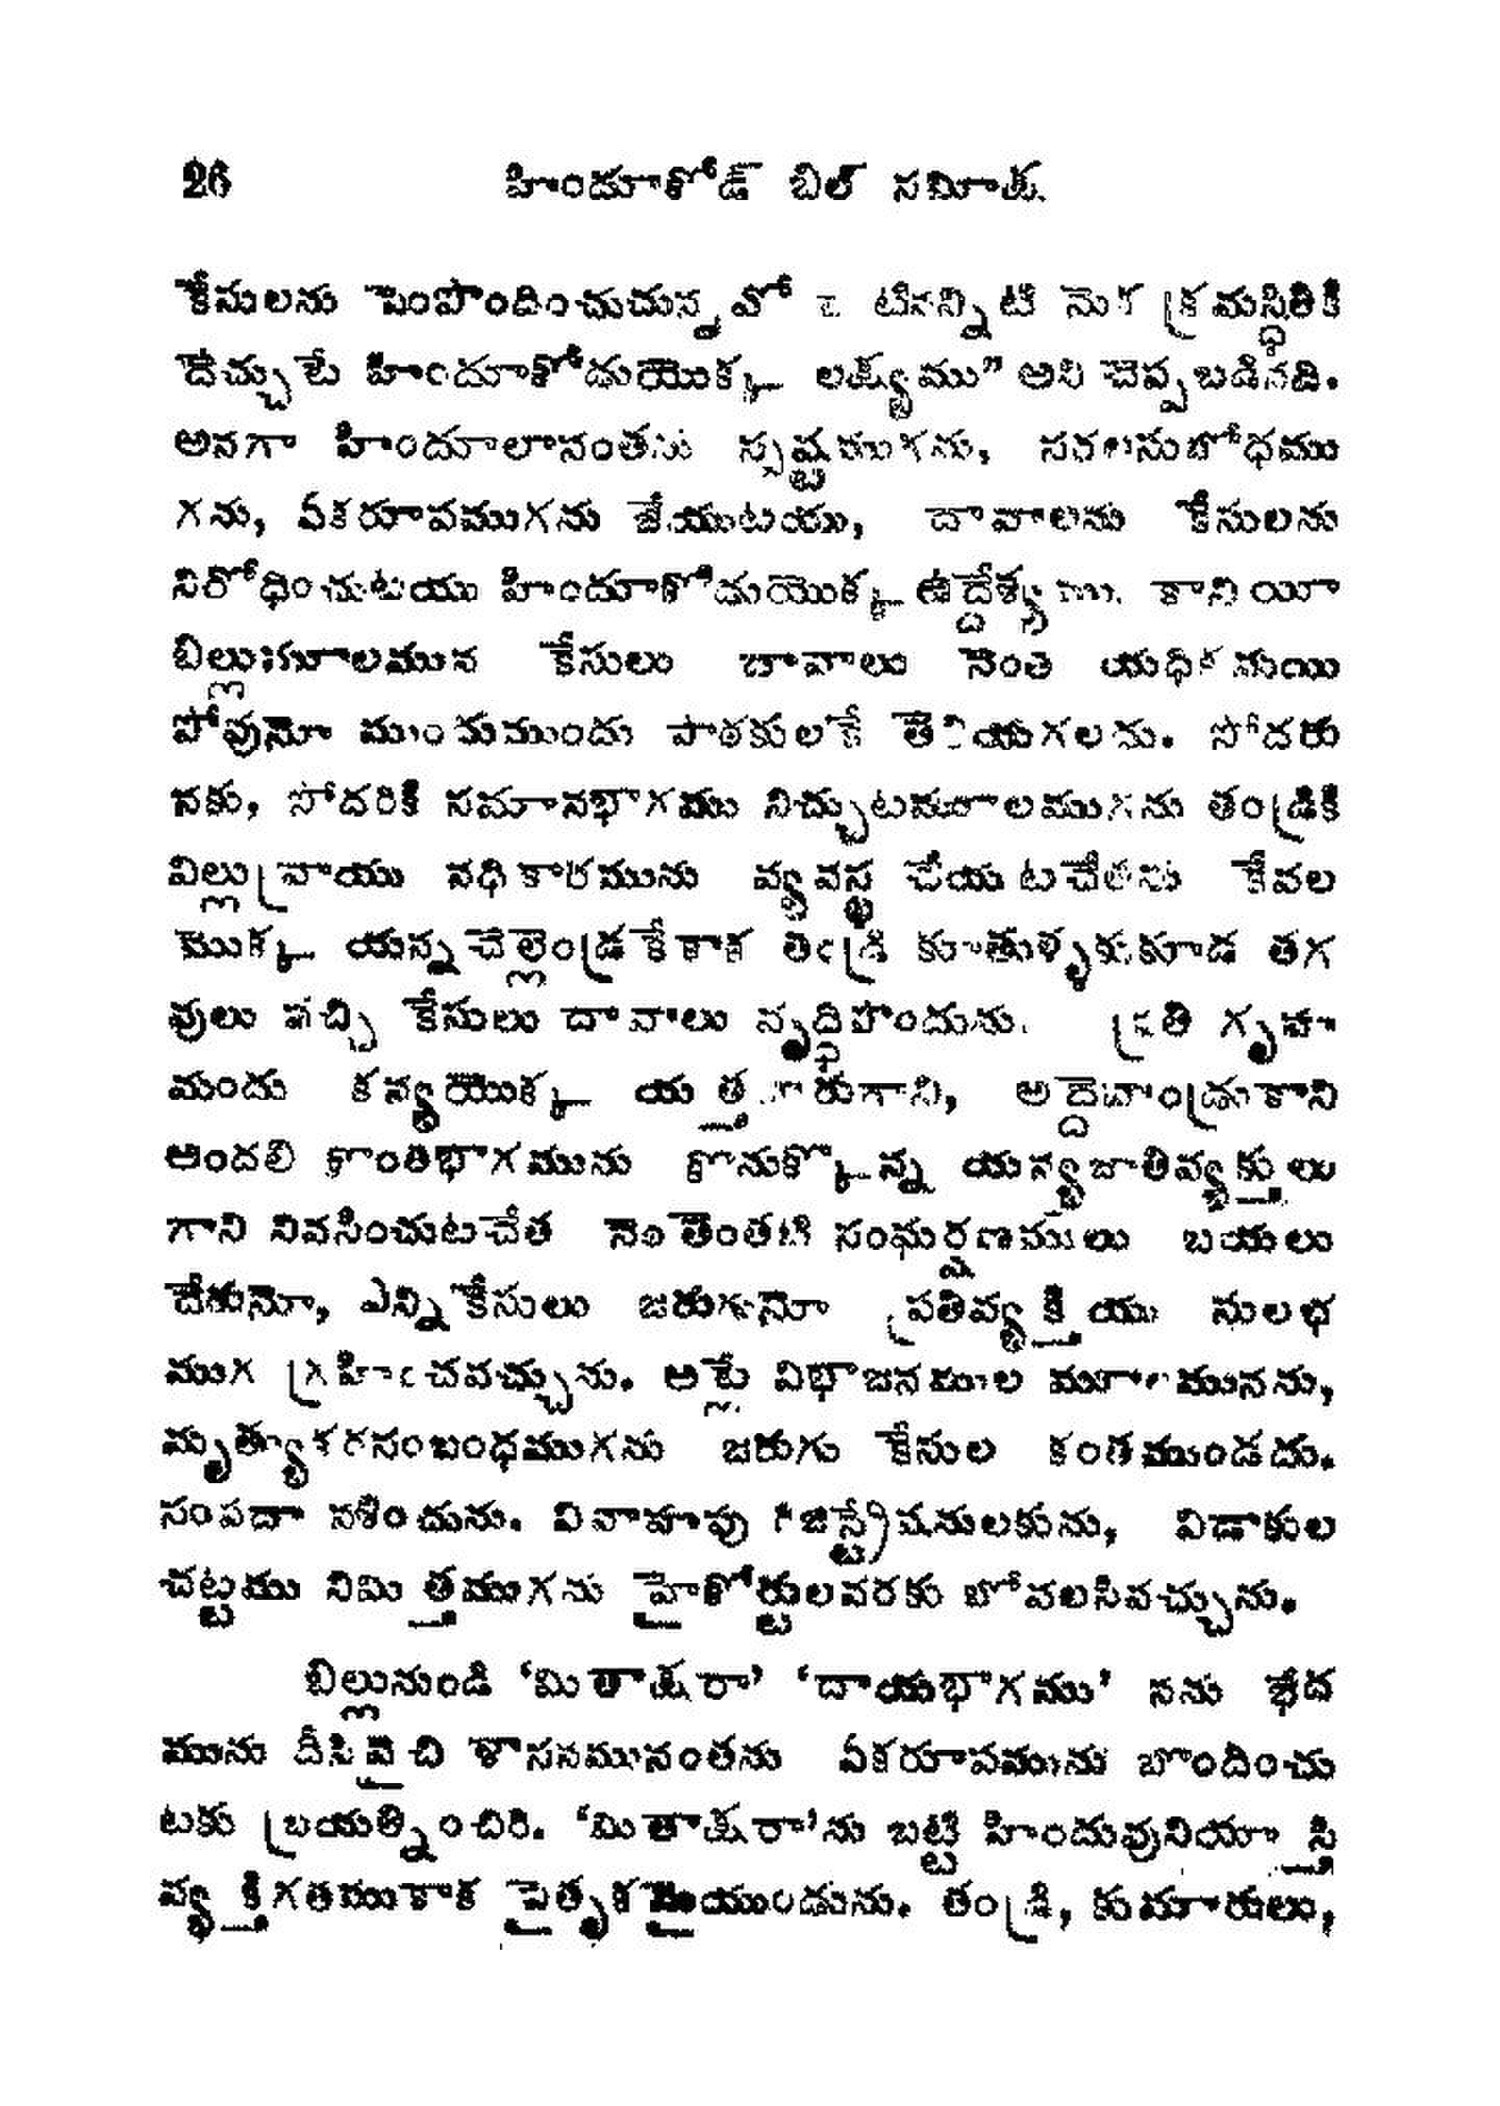కేసులను పెంపొందించుచున్నవో వాటినన్నిటి నొక క్రమస్థితికి
దెచ్చుటే హిందూకోడు యొక్క లక్ష్యము” అని చెప్పబడినది.
అనగా హిందూలానంతను స్పష్టముగను, సకలసుబోధము
గను, ఏకరూపముగను జేయుటయు, దావాలను కేసులను
నిరోధించుటయు హిందూకోడు యొక్క ఉద్దేశ్యము. కాని యీ
బిల్లుమూలమున కేసులు దావాలు నెంత యధికమయి
పోవునో మందుముందు పాఠకులకే తెలియగలదు. సోదరు
నకు, సోదరికి సమానభాగము నిచ్చుటమూలముగను తండ్రికి
విల్లు వ్రాయు నధికారమును వ్యవస్థ చేయటచేతను కేవల
యొక్క యన్నచెల్లెండ్ర కేకాక తండ్రి కూతుళ్ళకు కూడ తగ
వులు వచ్చి కేసులు దావాలు వృద్ధిపొందును. ప్రతి గృహమందు 
కన్య యొక్క యత్తగారుగాని, అద్దెవాండ్రు కాని అందలి 
కొంతభాగమును కొనుక్కొన్న యన్యజాతివ్యక్తులు 
గాని నివసించుటచేత నెంతెంతటి సంఘర్షణములు బయలు
దేరునో , ఎన్ని కేసులు జరుగునో ప్రతివ్యక్తియు సులభముగ 
గ్రహించవచ్చును. అట్లే విభాజనముల మూలమునను,
మృత్యుకరసంబంధముగను జరుగు కేసుల కంతముండదు.
సంపదా నశించును, వివాహపు గిజిస్ట్రేషనులకును, విడాకుల
చట్టము నిమిత్తముగను హైకోర్టులవరకు బోవలసివచ్చును.

బిల్లునుండి 'మితాక్షరా’ 'దాయభాగము' నను భేద
మును దీసివైచి శాసనమునంతను ఏకరూపమును బొందించు
టకు బ్రయత్నించిరి. 'మితాక్షరా'ను బట్టి హిందువునియాస్తి 
వ్యక్తిగతముకాక పైతృకమైయుండును. తండ్రి, కుమారులు,